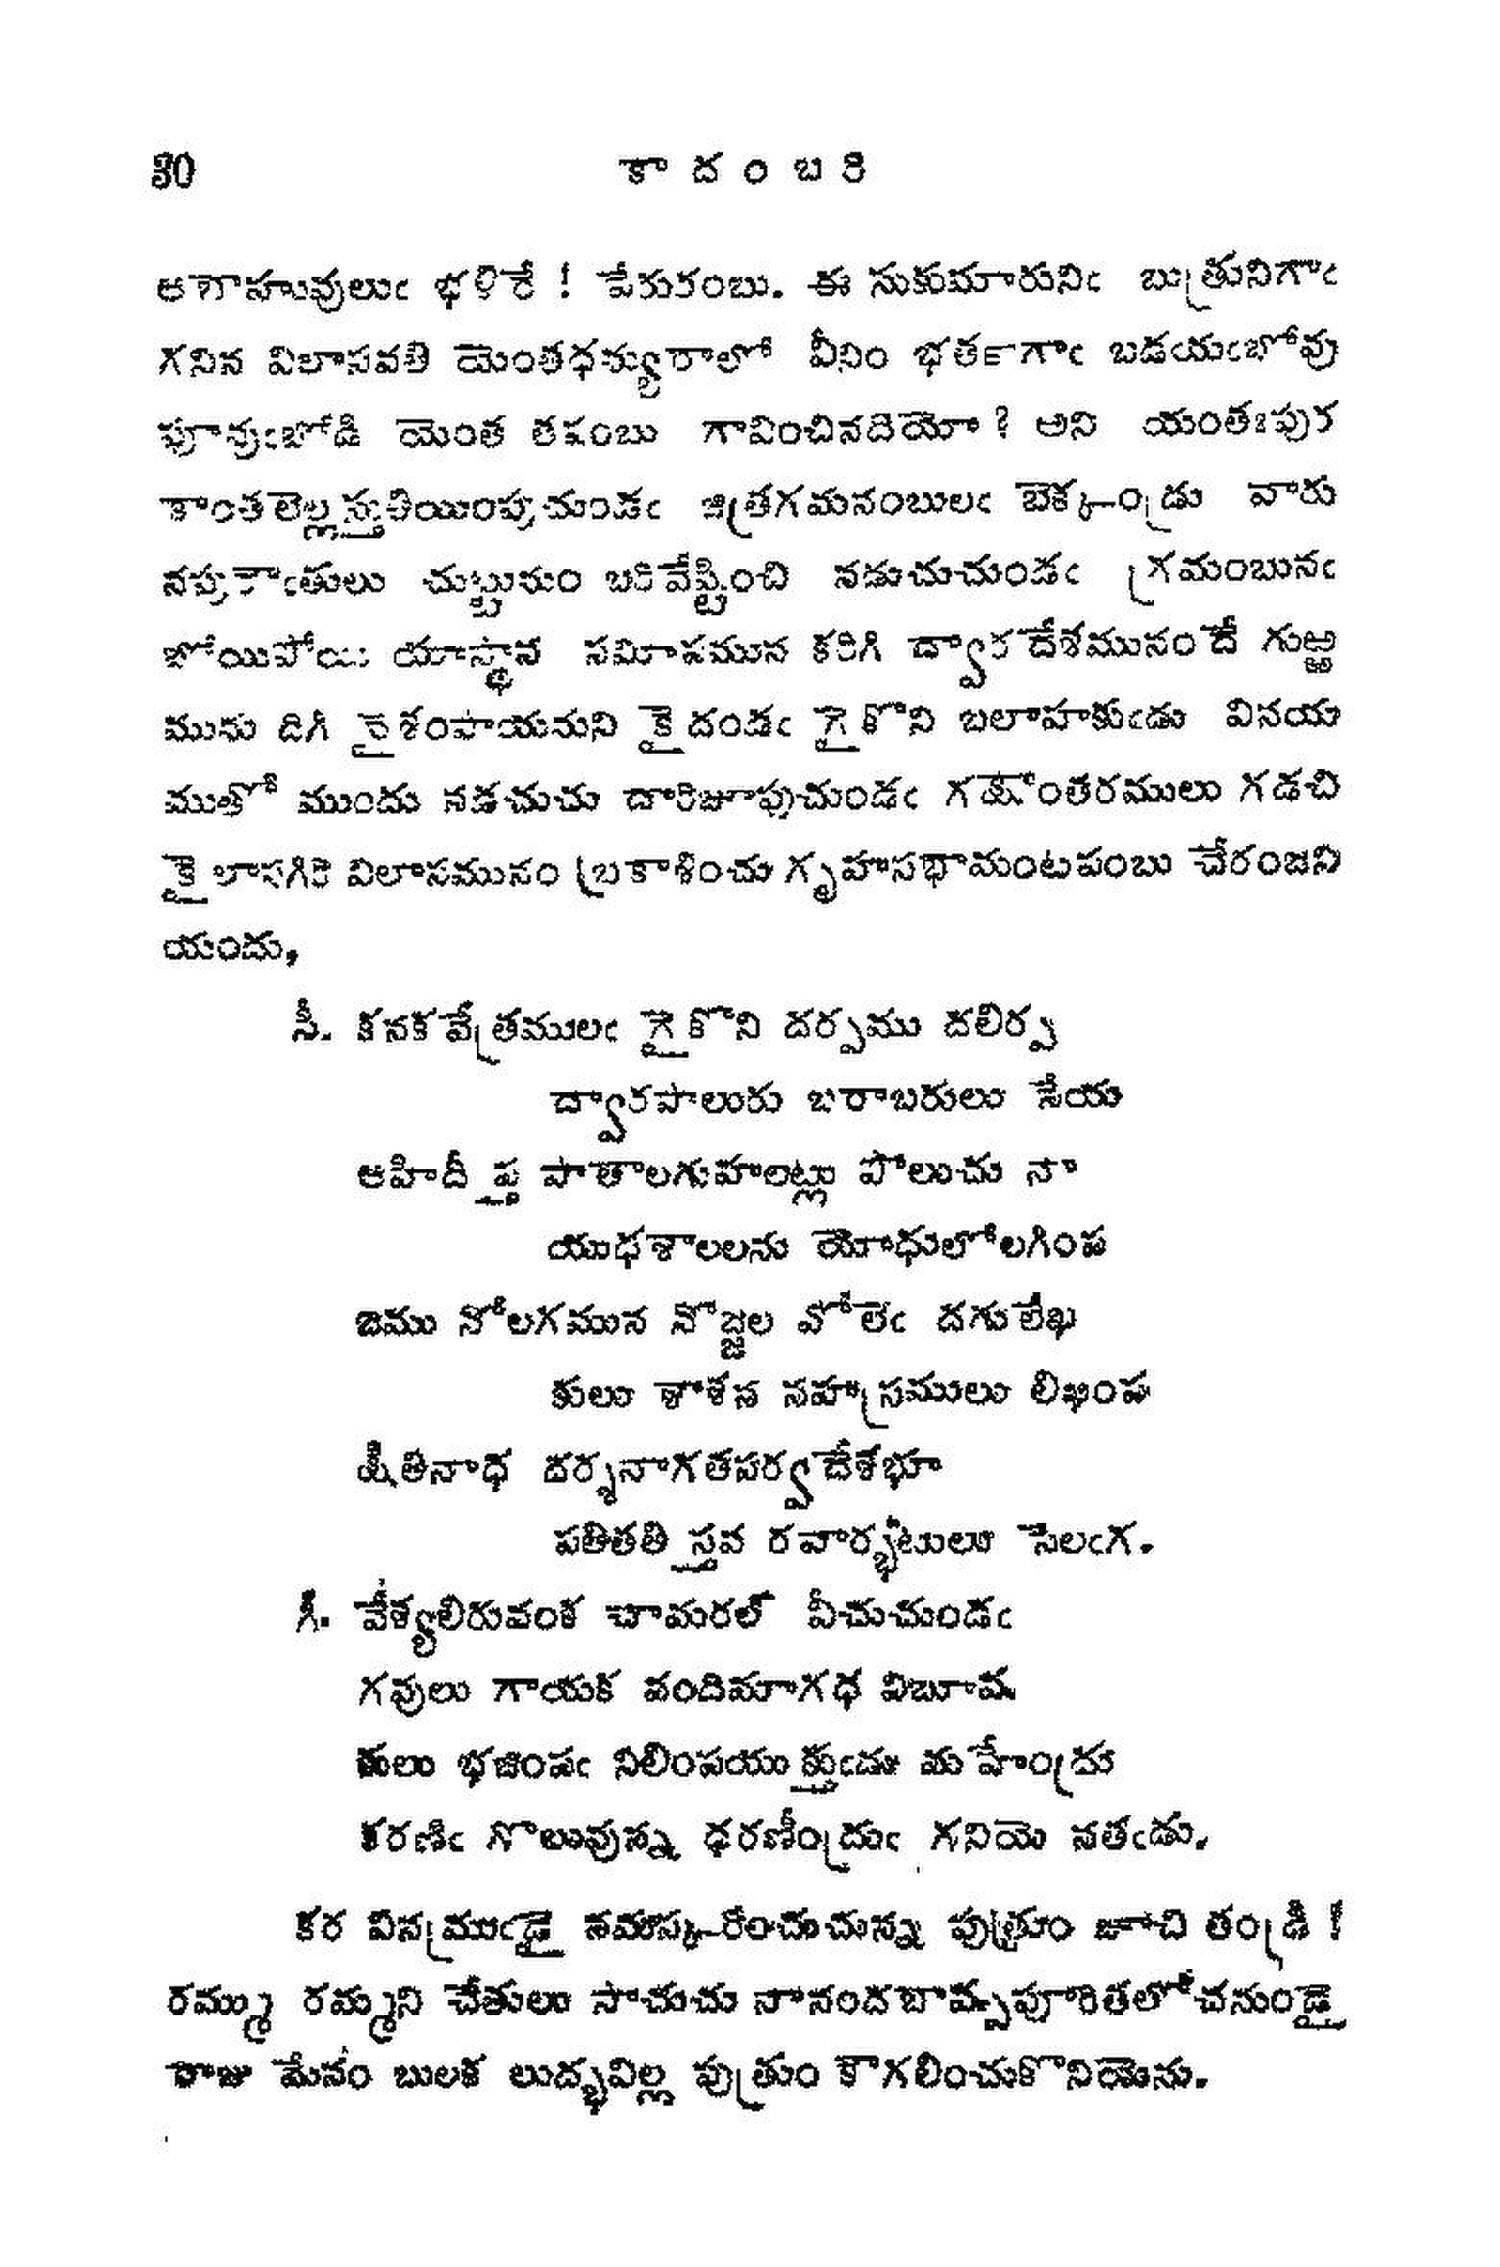ఆబాహువులుఁ భళిరే! పేరురంబు. ఈ సుకుమారునిఁ బుత్రునిగాఁ గనిన విలాసవతి యెంతధన్యురాలో వీనిం భత౯గాఁ బడయఁబోవు పూవుఁబోడి యెంత తపంబు గావించినదియో? అని యంతఃపుర కాంతలెల్లస్తుతియింపుచుండఁ జిత్రగమనంబులఁ బెక్కండ్రు వారు నపురౌఁతులు చుట్టునుం బరివేష్టించి నడుచుచుండఁ గ్రమంబునఁ బోయిపోయి యాస్థాన సమీపమున కరిగి ద్వారదేశమునందే గుఱ్ఱమును దిగి వైశంపాయనుని కైదండఁ గైకొని బలాహకుఁడు వినయముతో ముందు నడచుచు దారిజూపుచుండఁ గక్షాంతరములు గడచి కైలాసగిరి విలాసమునం బ్రకాశించు గృహసభామంటపంబు చేరంజని యందు,

సీ. కనకవేత్రములఁ గైకొని దర్పము దలిర్ప
 ద్వారపాలురు బరాబరులు సేయ
 ఆహిదీప్త పాతాలగుహలట్లు పొలుచు నా
 యుధశాలలను యోధులోలగింప
 జము నోలగమున నొజ్జల వోలెఁ దగులేఖ
 కులు శాశన సహస్రములు లిఖింప
 క్షితినాధ దర్శనాగతపర్వదేశభూ
 పతితతిస్తవ రవార్భటులు సెలఁగ.

గీ. వేశ్యలిరువంక చామరల్ వీచుచుండఁ
 గవులు గాయక వందిమాగధ విబూష
 కులు భజింపఁ నిలింపయుక్తుఁడు మహేంద్రు
 కరణిఁ గొలువున్న ధరణీంద్రుఁ గనియె నతఁడు.
కర వినమ్రుఁడై నమస్కరించుచున్న పుత్రుం జూచి తండ్రీ! రమ్ము రమ్మని చేతులు సాచుచు నానందబాష్పపూరిత లోచనుండై రాజు మేనం బులక లుద్భవిల్ల పుత్రుం కౌగలించుకొనియెను.